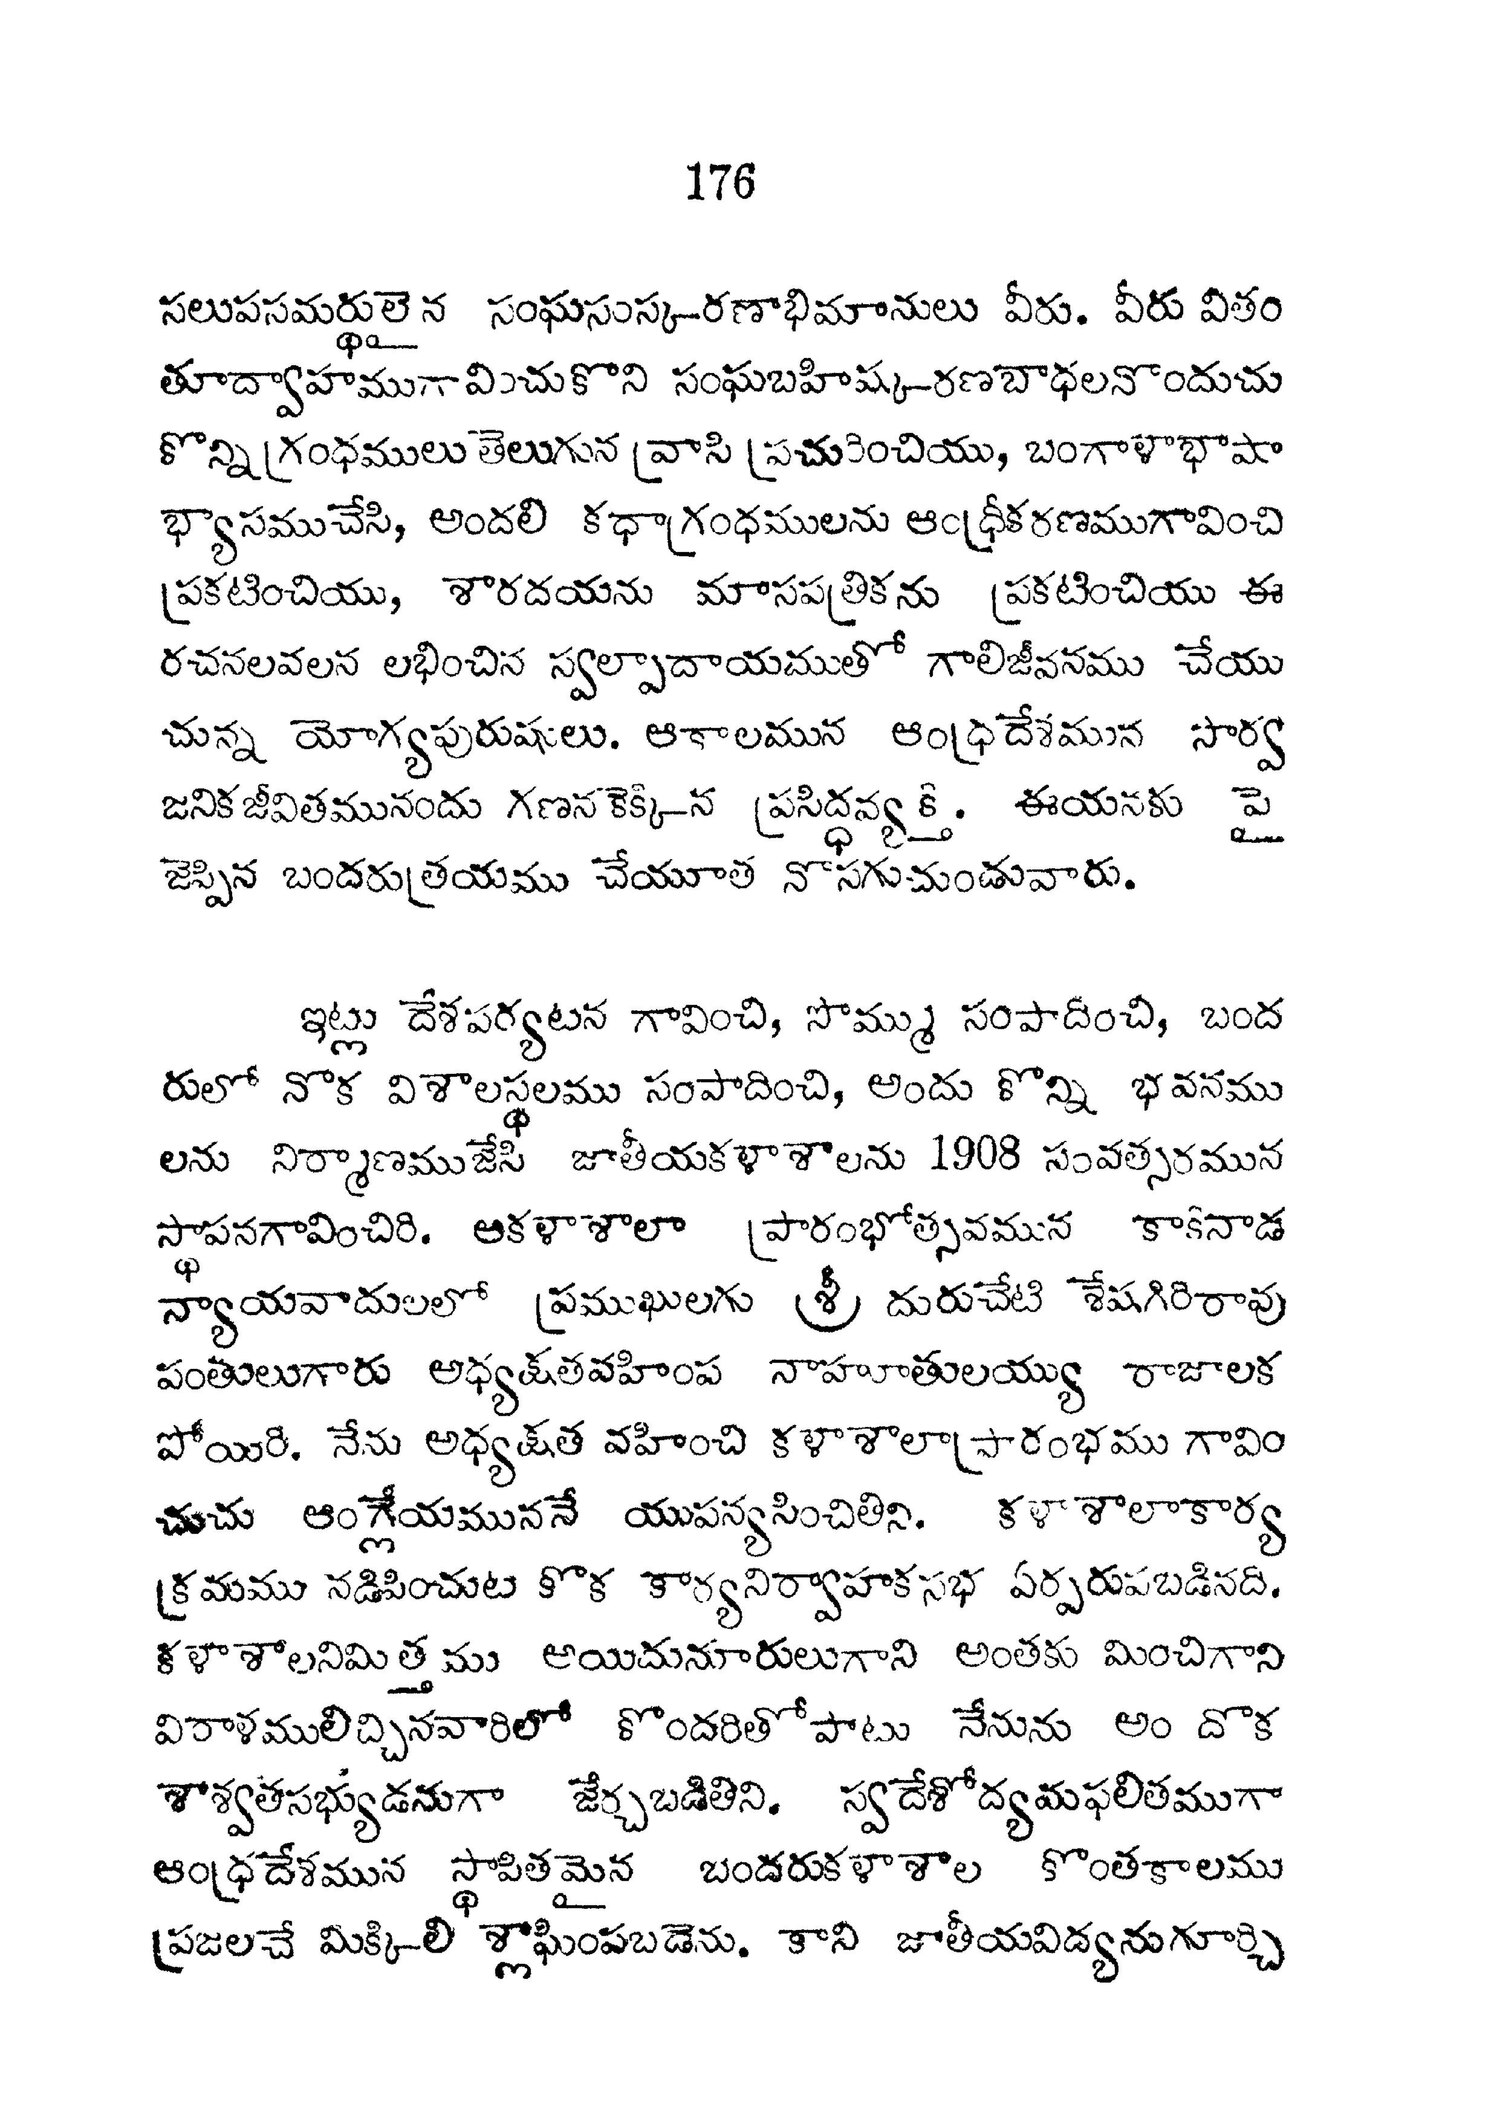సలుపసమర్థులైన సంఘసంస్కరణాభిమానులు వీరు. వీరు వితంతూద్వాహముగావించుకొని సంఘబహిష్కరణబాధలనొందుచు కొన్నిగ్రంథములు తెలుగున వ్రాసి ప్రచురించియు, బంగాళాభాషాభ్యాసముచేసి, అందలి కధాగ్రంధములను ఆంధ్రీకరణముగావించి ప్రకటించియు, శారదయను మాసపత్రికను ప్రకటించియు ఈ రచనలవలన లభించిన స్వల్పాదాయముతో గాలిజీవనము చేయుచున్న యోగ్యపురుషులు, ఆకాలమున ఆంధ్రదేశమున సార్వజనిక జీవితమునందు గణనకెక్కిన ప్రసిద్ధవ్యక్తి. ఈయనకు పై జెప్పిన బందరుత్రయము చేయూత నొసగుచుండువారు.

ఇట్లు దేశపర్యటన గావించి, సొమ్ము సంపాదించి, బందరులో నొక విశాలస్థలము సంపాదించి, అందు కొన్ని భవనములను నిర్మాణముజేసి జాతీయకళాశాలను 1908 సంవత్సరమున స్థాపనగావించిరి. ఆకళాశాలా ప్రారంభోత్సవమున కాకినాడ న్యాయవాదులలో ప్రముఖులగు శ్రీ దురుచేటి శేషగిరిరావు పంతులుగారు అధ్యక్షతవహింప నాహూతులయ్యు రాజాలక పోయిరి. నేను అధ్యక్షత వహించి కళాశాలాప్రారంభము గావించుచు ఆంగ్లేయముననే యుపన్యసించితిని. కళాశాలాకార్యక్రమము నడిపించుట కొక కార్యనిర్వాహకసభ ఏర్పరుపబడినది. కళాశాలనిమిత్తము అయిదునూరులుగాని అంతకు మించిగాని విరాళములిచ్చినవారిలో కొందరితోపాటు నేనును అం దొక శాశ్వతసభ్యుడనుగా జేర్చబడితిని. స్వదేశోద్యమఫలితముగా ఆంధ్రదేశమున స్థాపితమైన బందరుకళాశాల కొంతకాలము ప్రజలచే మిక్కిలి శ్లాఘింపబడెను. కాని జాతీయవిద్యనుగూర్చి